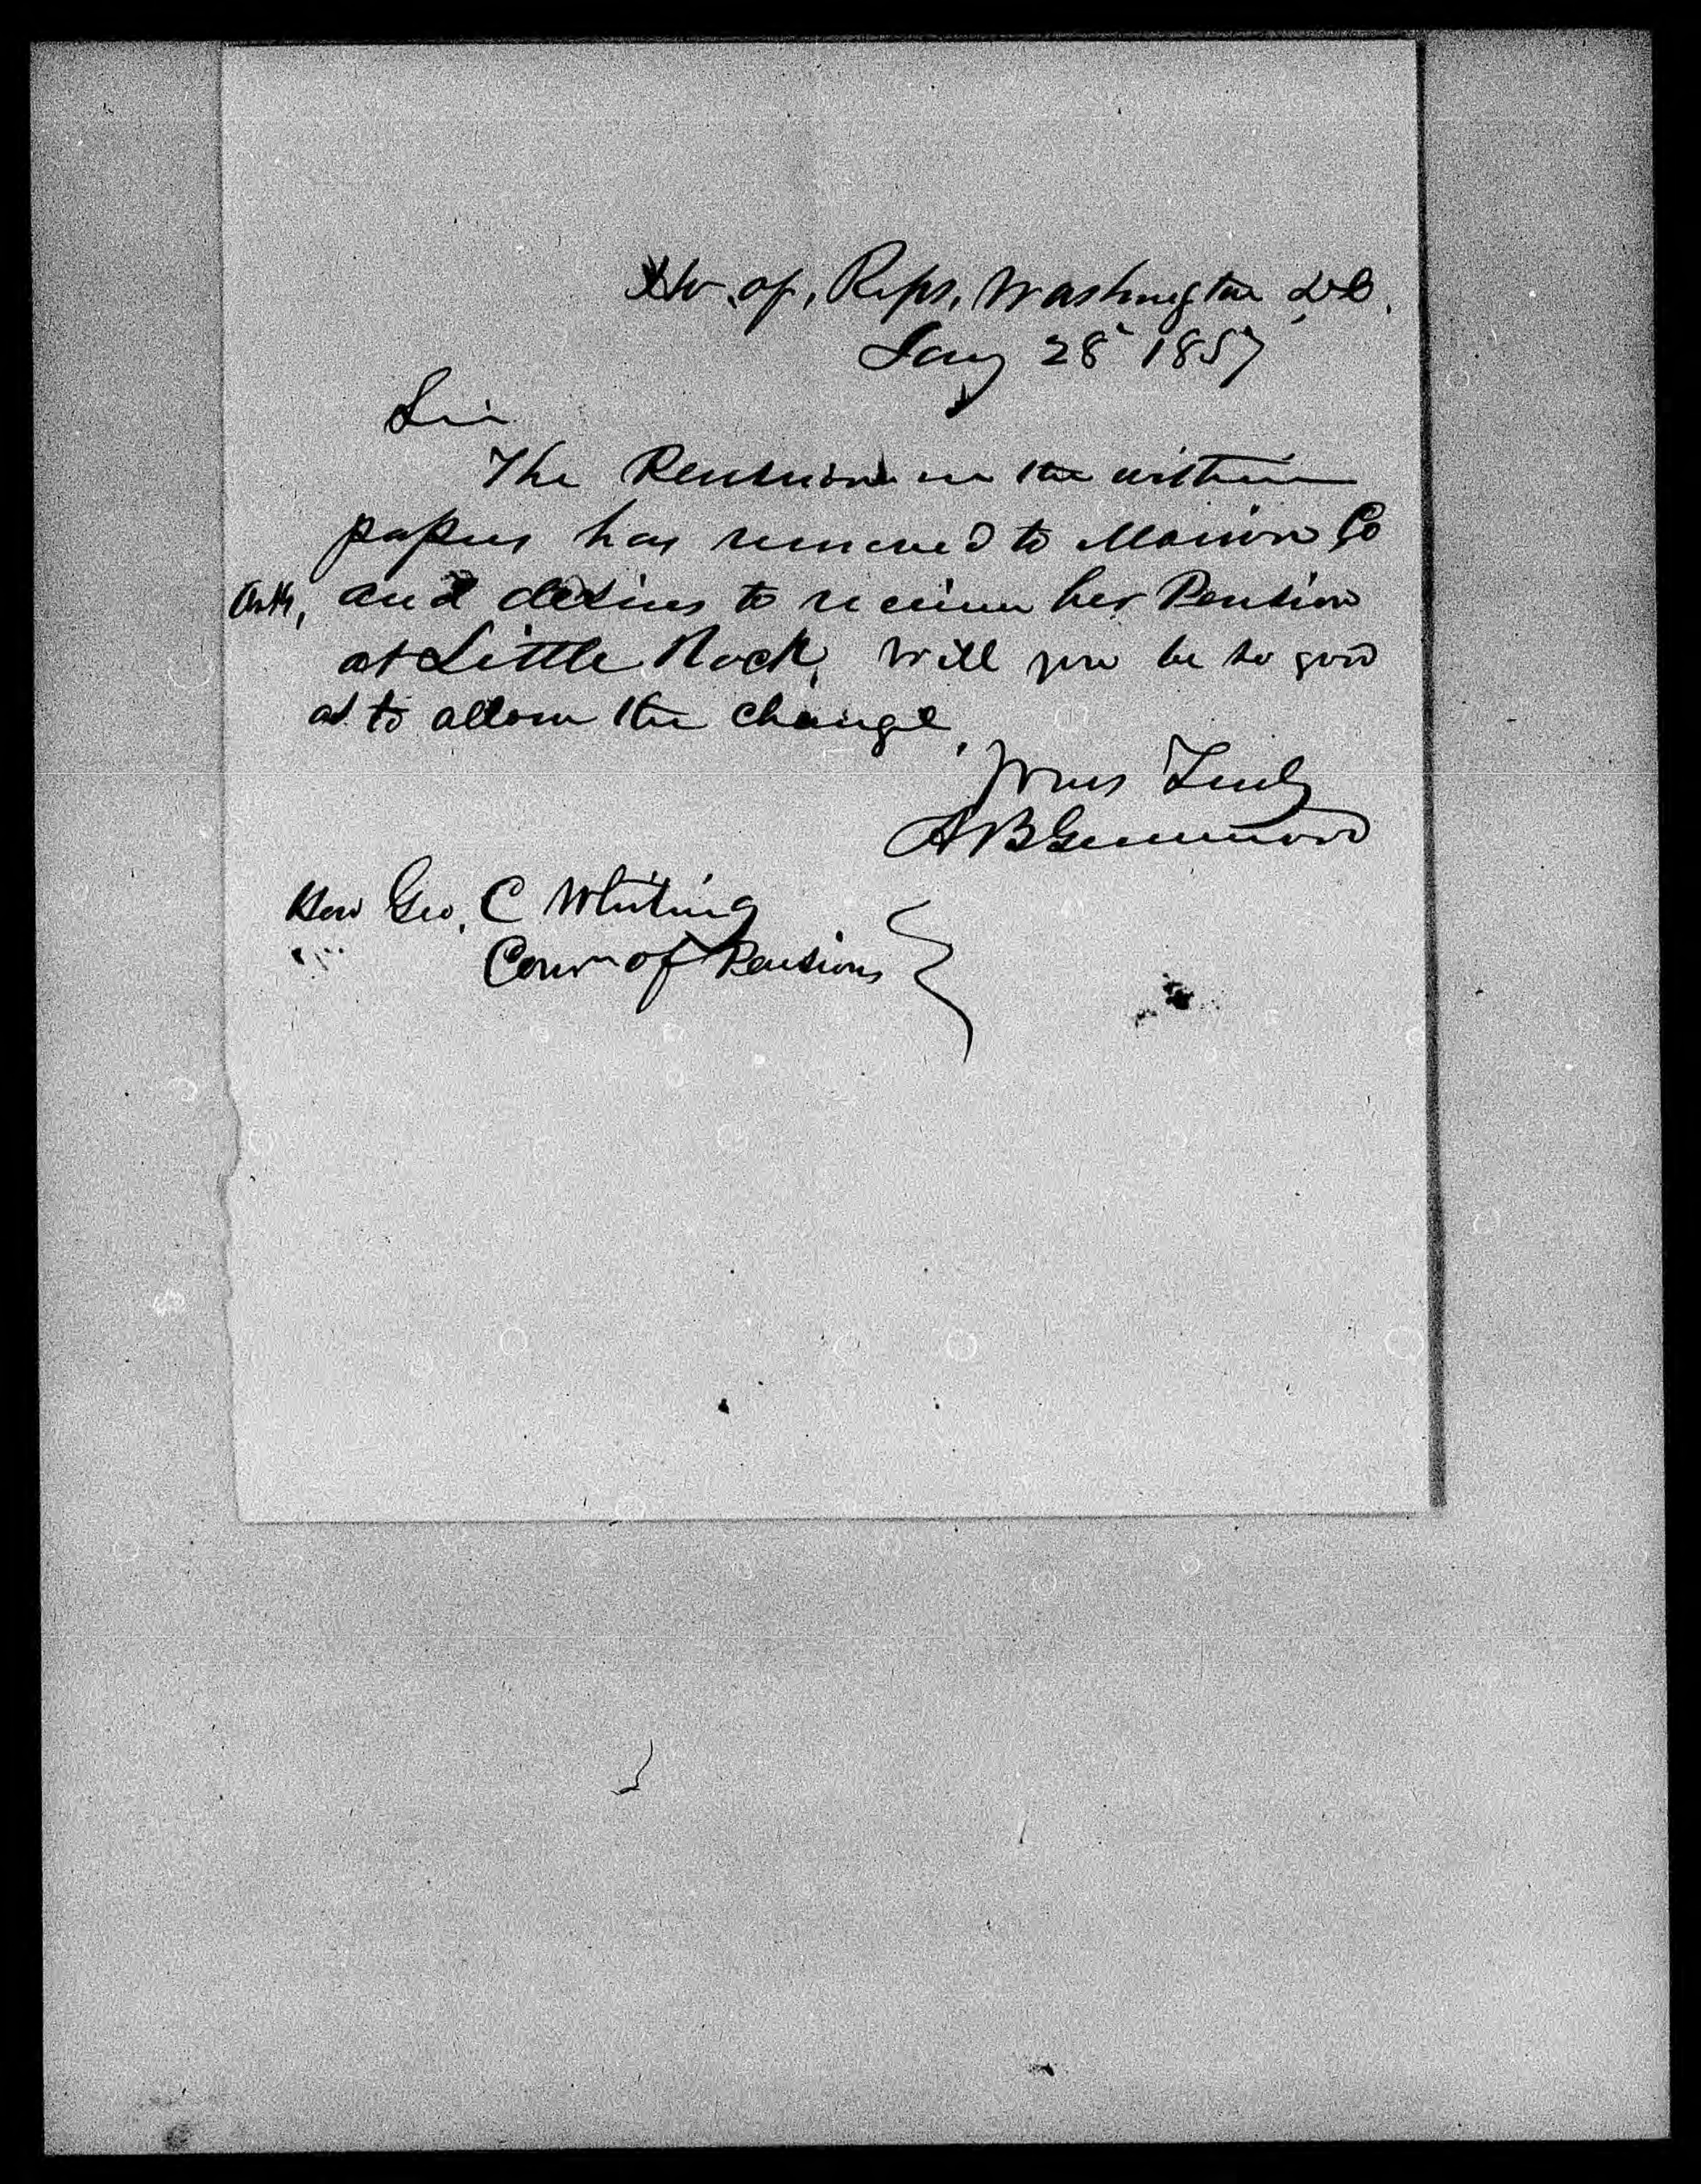Ho of Reps, Washington D.C.
Jany 28th 1857
Sir
The Pensioner in the within papers has removed to Marion Co Ark. and desires to receive her pension at Little Rock, Will you be so good as to allow the charge

Yours Truly
A B Greenwood

Hon Geo C. Whiting
Comm of Pensions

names: Geo C Whiting; Jones Tud; A B Greenwood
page: 74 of 115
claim: widow's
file: W. 1446, for John Mc Clung, South Carolina